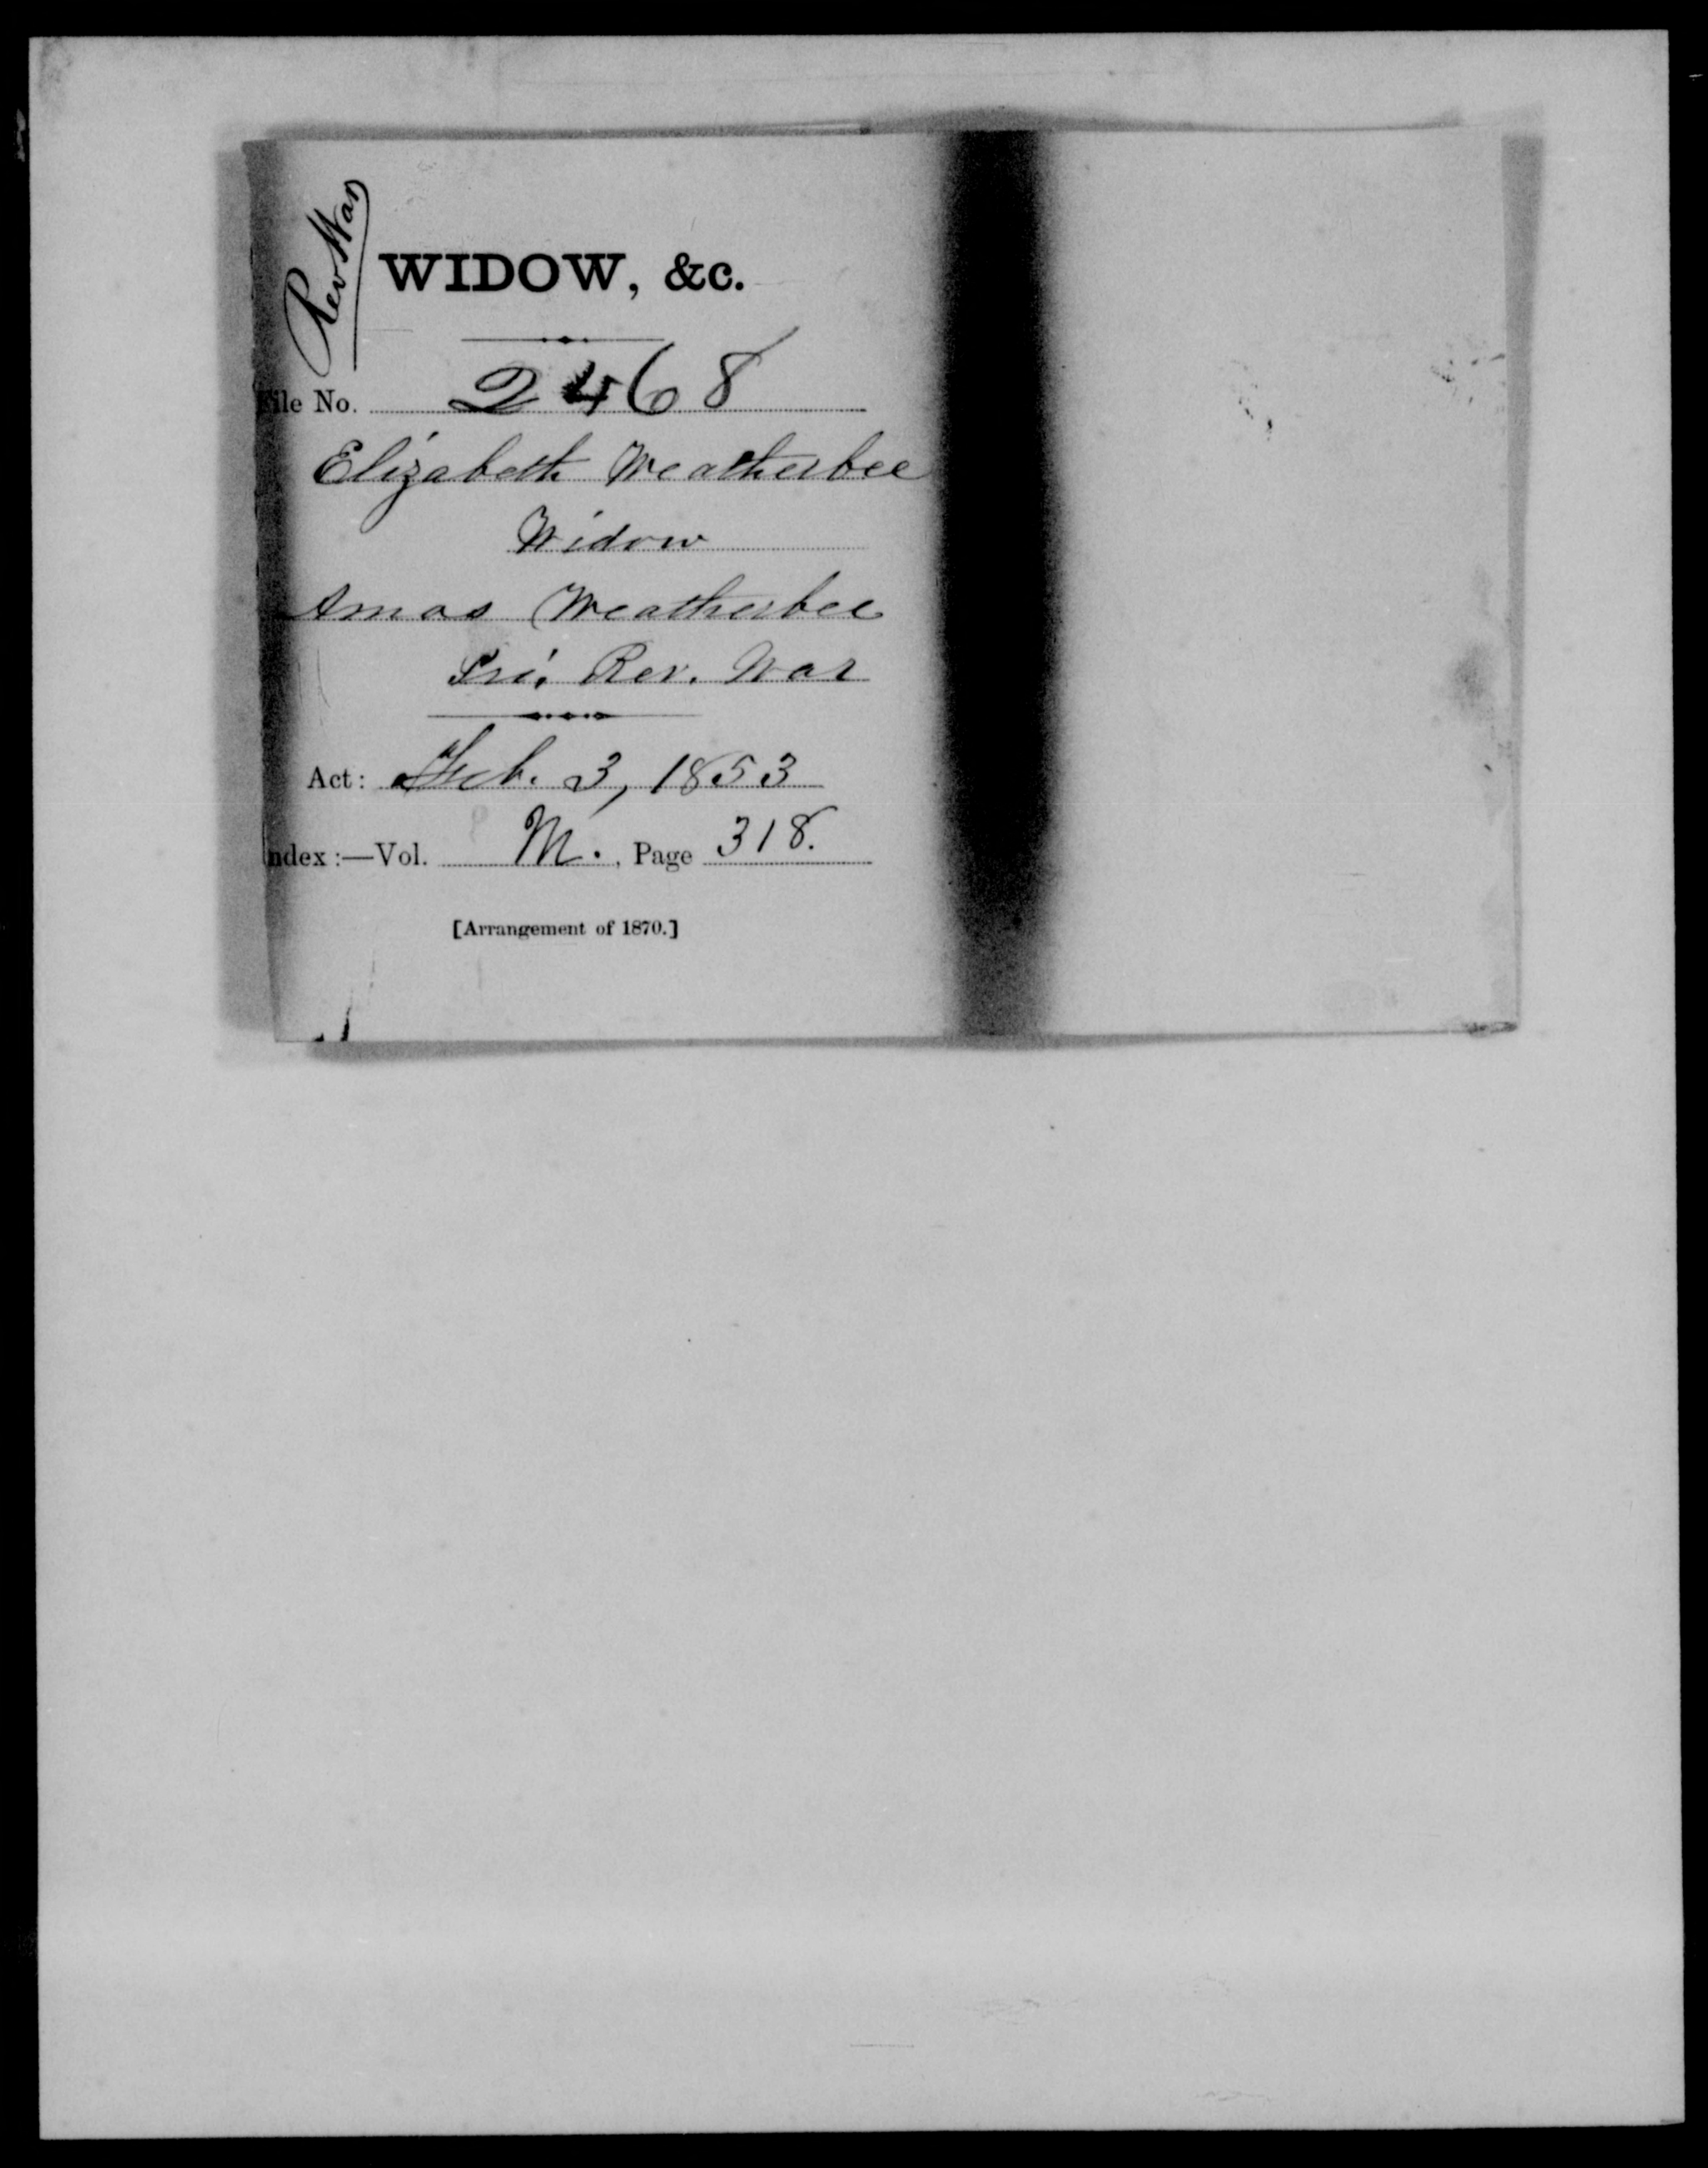Rev War
WIDOW, &c.
File No. 2468
Elizabeth Weatherbee
Widow
Amos Weatherbee
Pri. Rev. War

Act: Feb 3, 1853
Index: Vol. M, Page 318

[Arrangement of 1870]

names: Elizabeth Weatherbee, Amos Weatherbee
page: 58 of 66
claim: widow's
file: W. 2468, Amos Wetherbee, Mass.